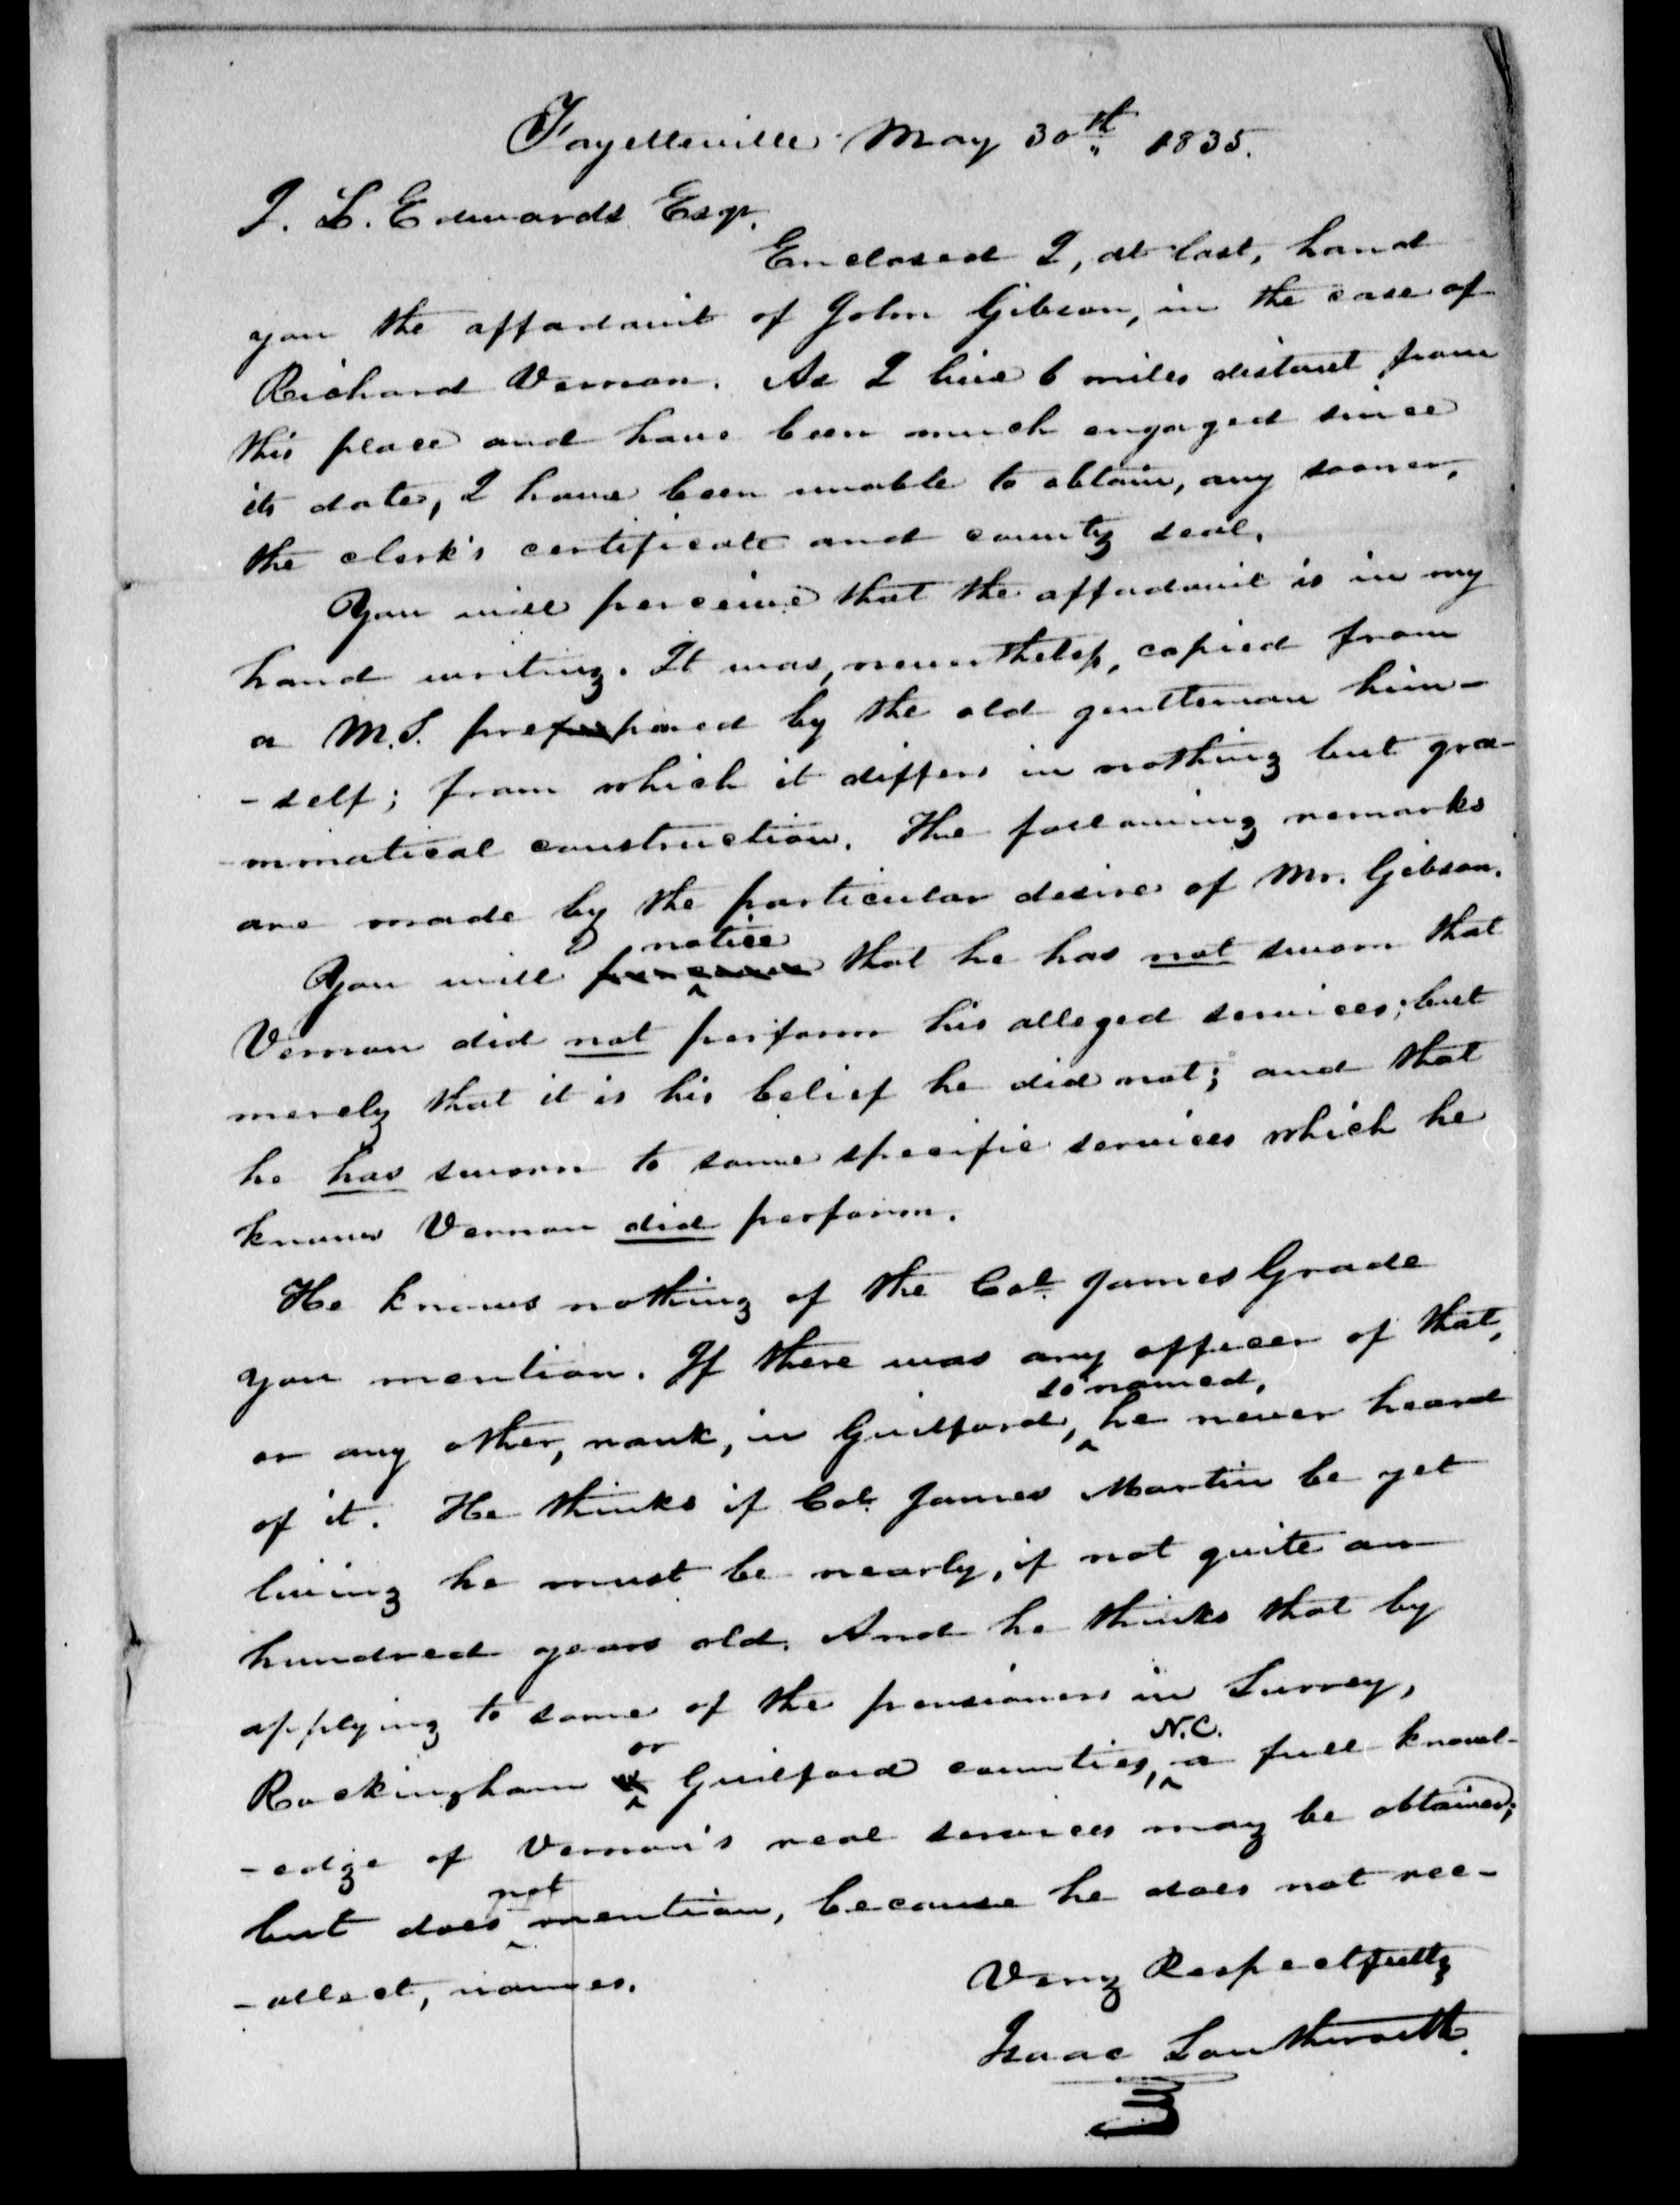Fayetteville March 30th. 1835.

J. L Edwards Esq. 
Enclosed I , at last, found you the affidavit of John Gibson in the case of Richard Vernon. As I live 6 miles distant from this place and have been much engaged since its date, I have been unable to obtain, any sooner, the clerk’s certificate and count seal.
You will perceive that the affidavit is in my hand writing. It was, nevertheless, copied from a M. S. prepared by the old gentleman himself; from which it differs in nothing but grammatical construction.  The following remarks are made by the particular desire of Mr. Gibson.
You will notice that he has not sworn that   Vernon did not perform his alleged services; but merely that it is his belief he did not; and that he has sworn to some specific services which he knows Vernon did perform.
He know nothing of the Col. James Grade you mention. If there was any officer of that or any other, rank, in Guilford, so named, he never heard of it. He thinks if Col. James Martin be yet living he must be nearly, if not quite an hundred years old. And he thinks that by applying to some of the pensioners in surrey, Rockingham or Guilford counties, N.C. in full knowledge of Vernon’s real services may be obtained; but does not mention, because he does not recollect names.
Very Respectfully
Isaac Southworth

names: Gibson, Vernon, John Gibson, J L Edwards, James Martin, Isaac Southworth, Richard Vernon, Vernon, Vernon, James Grade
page: 62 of 105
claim: survivor's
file: S. 1883, Richard Vernon, N.C.